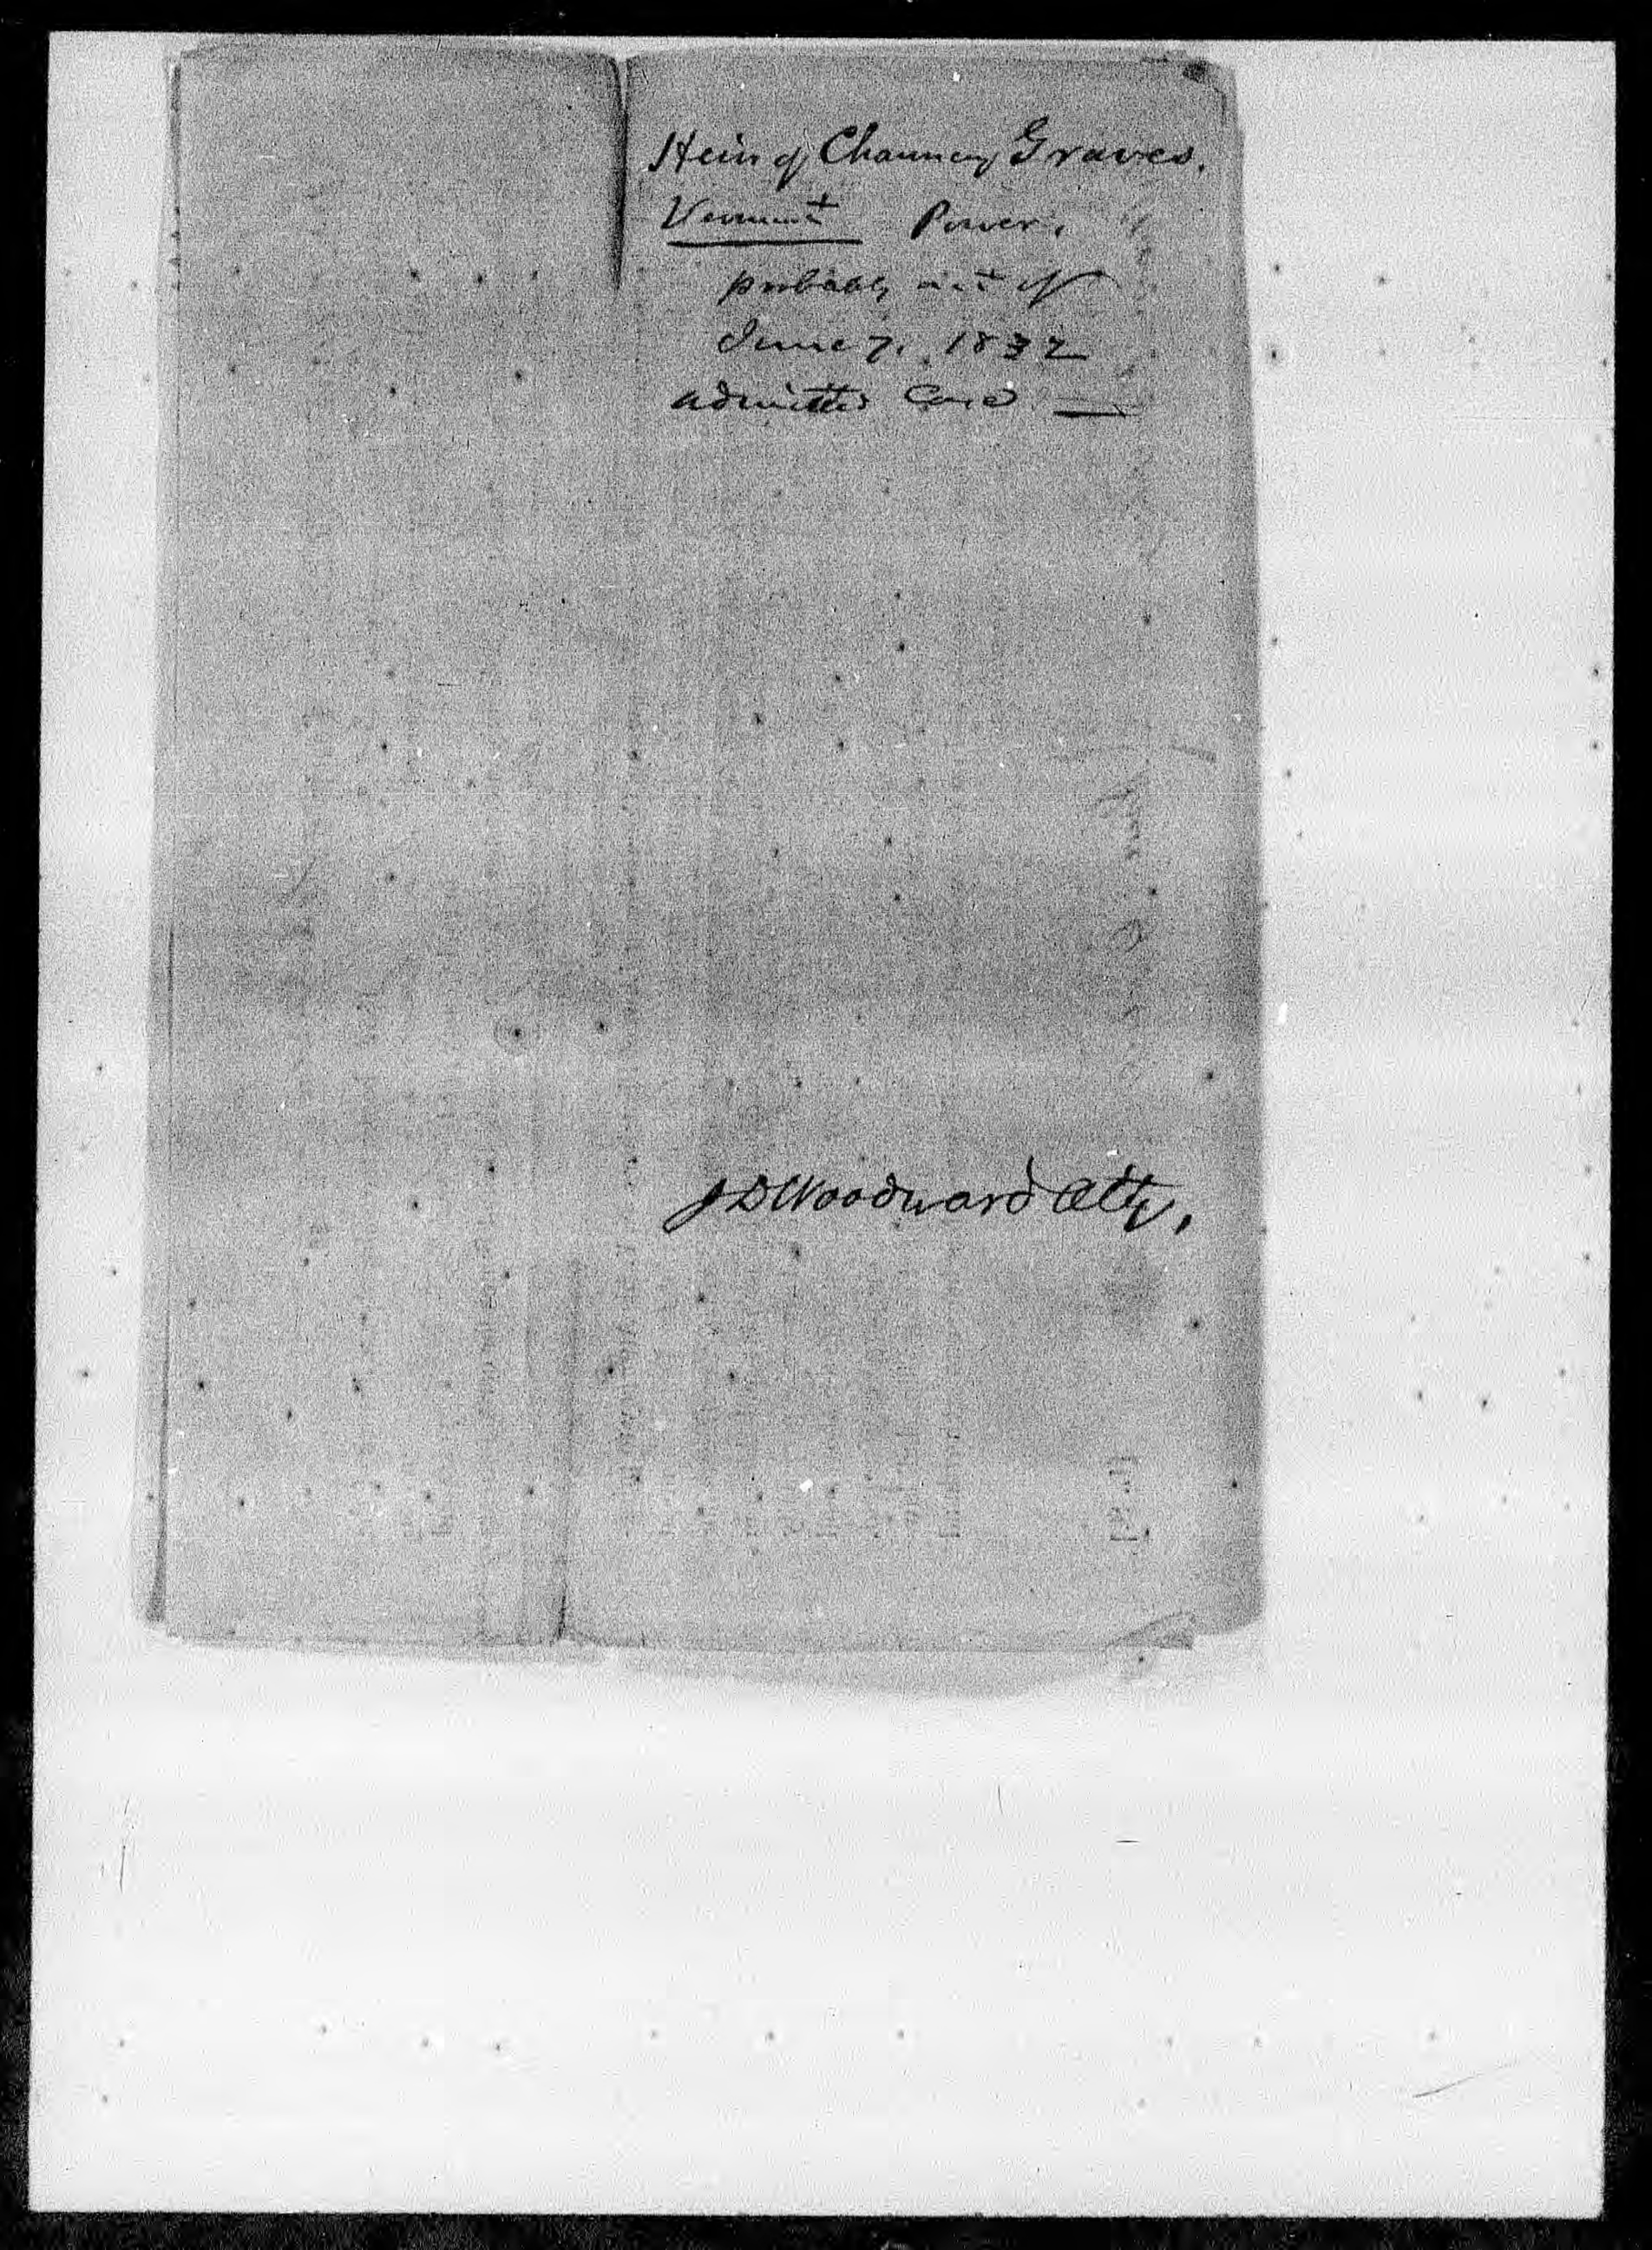Heirs of Chauncy Graves
Vermont Power
Probably act of June 7, 1832
Admitted [illegible]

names: J D Woodward, Chauncey Graves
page: 9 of 24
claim: survivor's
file: S. 15869, Chauncey Graves, Vt.